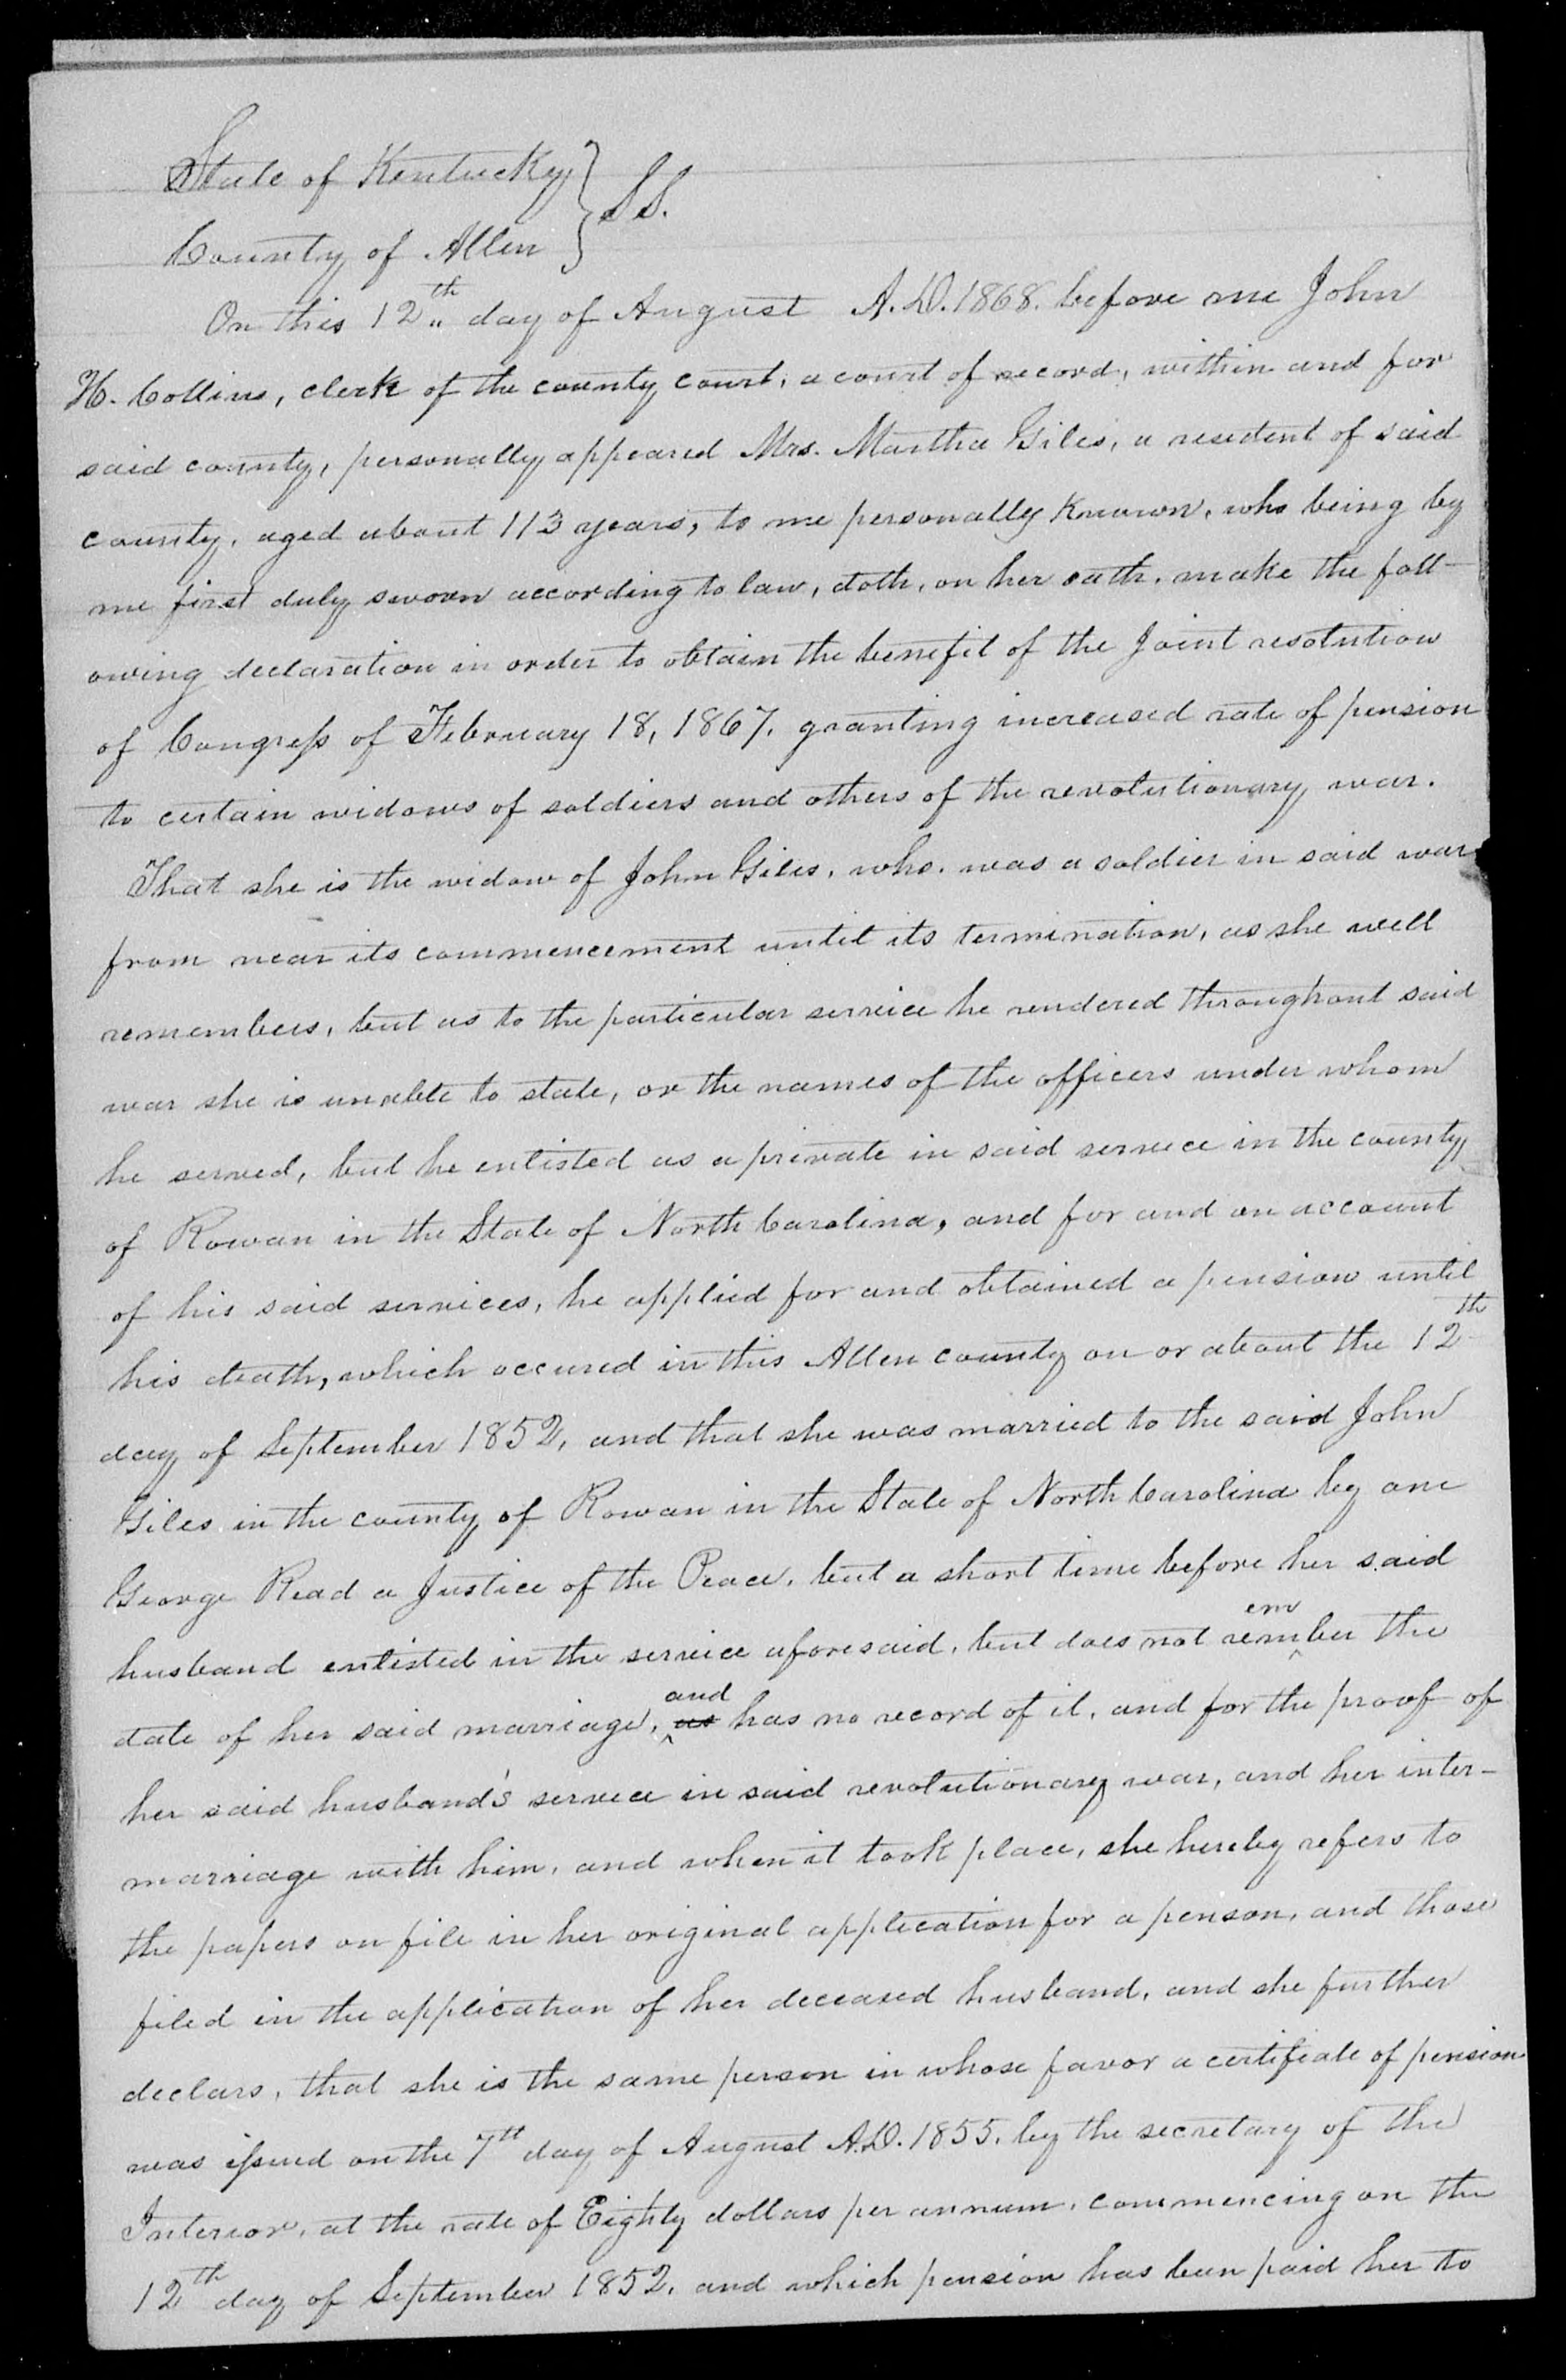State of Kentucky
County of Allen
On this 12th day of August A.D. 1868. before one John H. Collins, clerk of the county court; a court of record, within and for said county. personally appeared  Mrs. Martha Giles; a resident of said County, aged about 113 years ; to me personally known, who being by me first duly sworn accoring to law, doth, on her oath, make the following declaration in order to obtain the benefit of the joint resolution of congress of February 18, 1867, granting increased rate of pension to certain widows of soldiers and others of the revolutionary war. That she is the widow of John Giles, who was a soldier in said war from near its commencement until its termination, as she well remembers, but as to the particular service he rendered throughout said war she is unable to state, or the names of the officers under whom he served, but he enlisted as a private in said service in the county of Rowan in the State of North Carolina, and for and an account of his said services, he applied for and obtained a pension until his death, which occured in Allen County on or about the 12th say of September 1852, and that she was married to the said John Giles in the County of Rowan in the State  of North Carolina by one George Read a Justice of the Peace but a short time before her said husband enlisted in the service aforesaid but does not remember the date of her said marriage, and has no record of it, and for the proof of her said husband's service in said revolutionary war, and her intermarriage with him, and when it took place, she hereby refers to the papers on file in her original application for a pension, and those filed in the application of her deceased husband, and she further declares, that she is the same person in whose favor a certificate of pension was issues on the 7th day of August A.D. 1855 by the secretary of the Interior at the rate of Eighty dollars per annum. Commencing on the 12th day of September 1852, and which pension has been paid her to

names: John Giles, John H Collins, John Giles, George Read, Martha Giles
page: 57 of 82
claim: widow's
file: W. 7,522, John Giles, N.C.